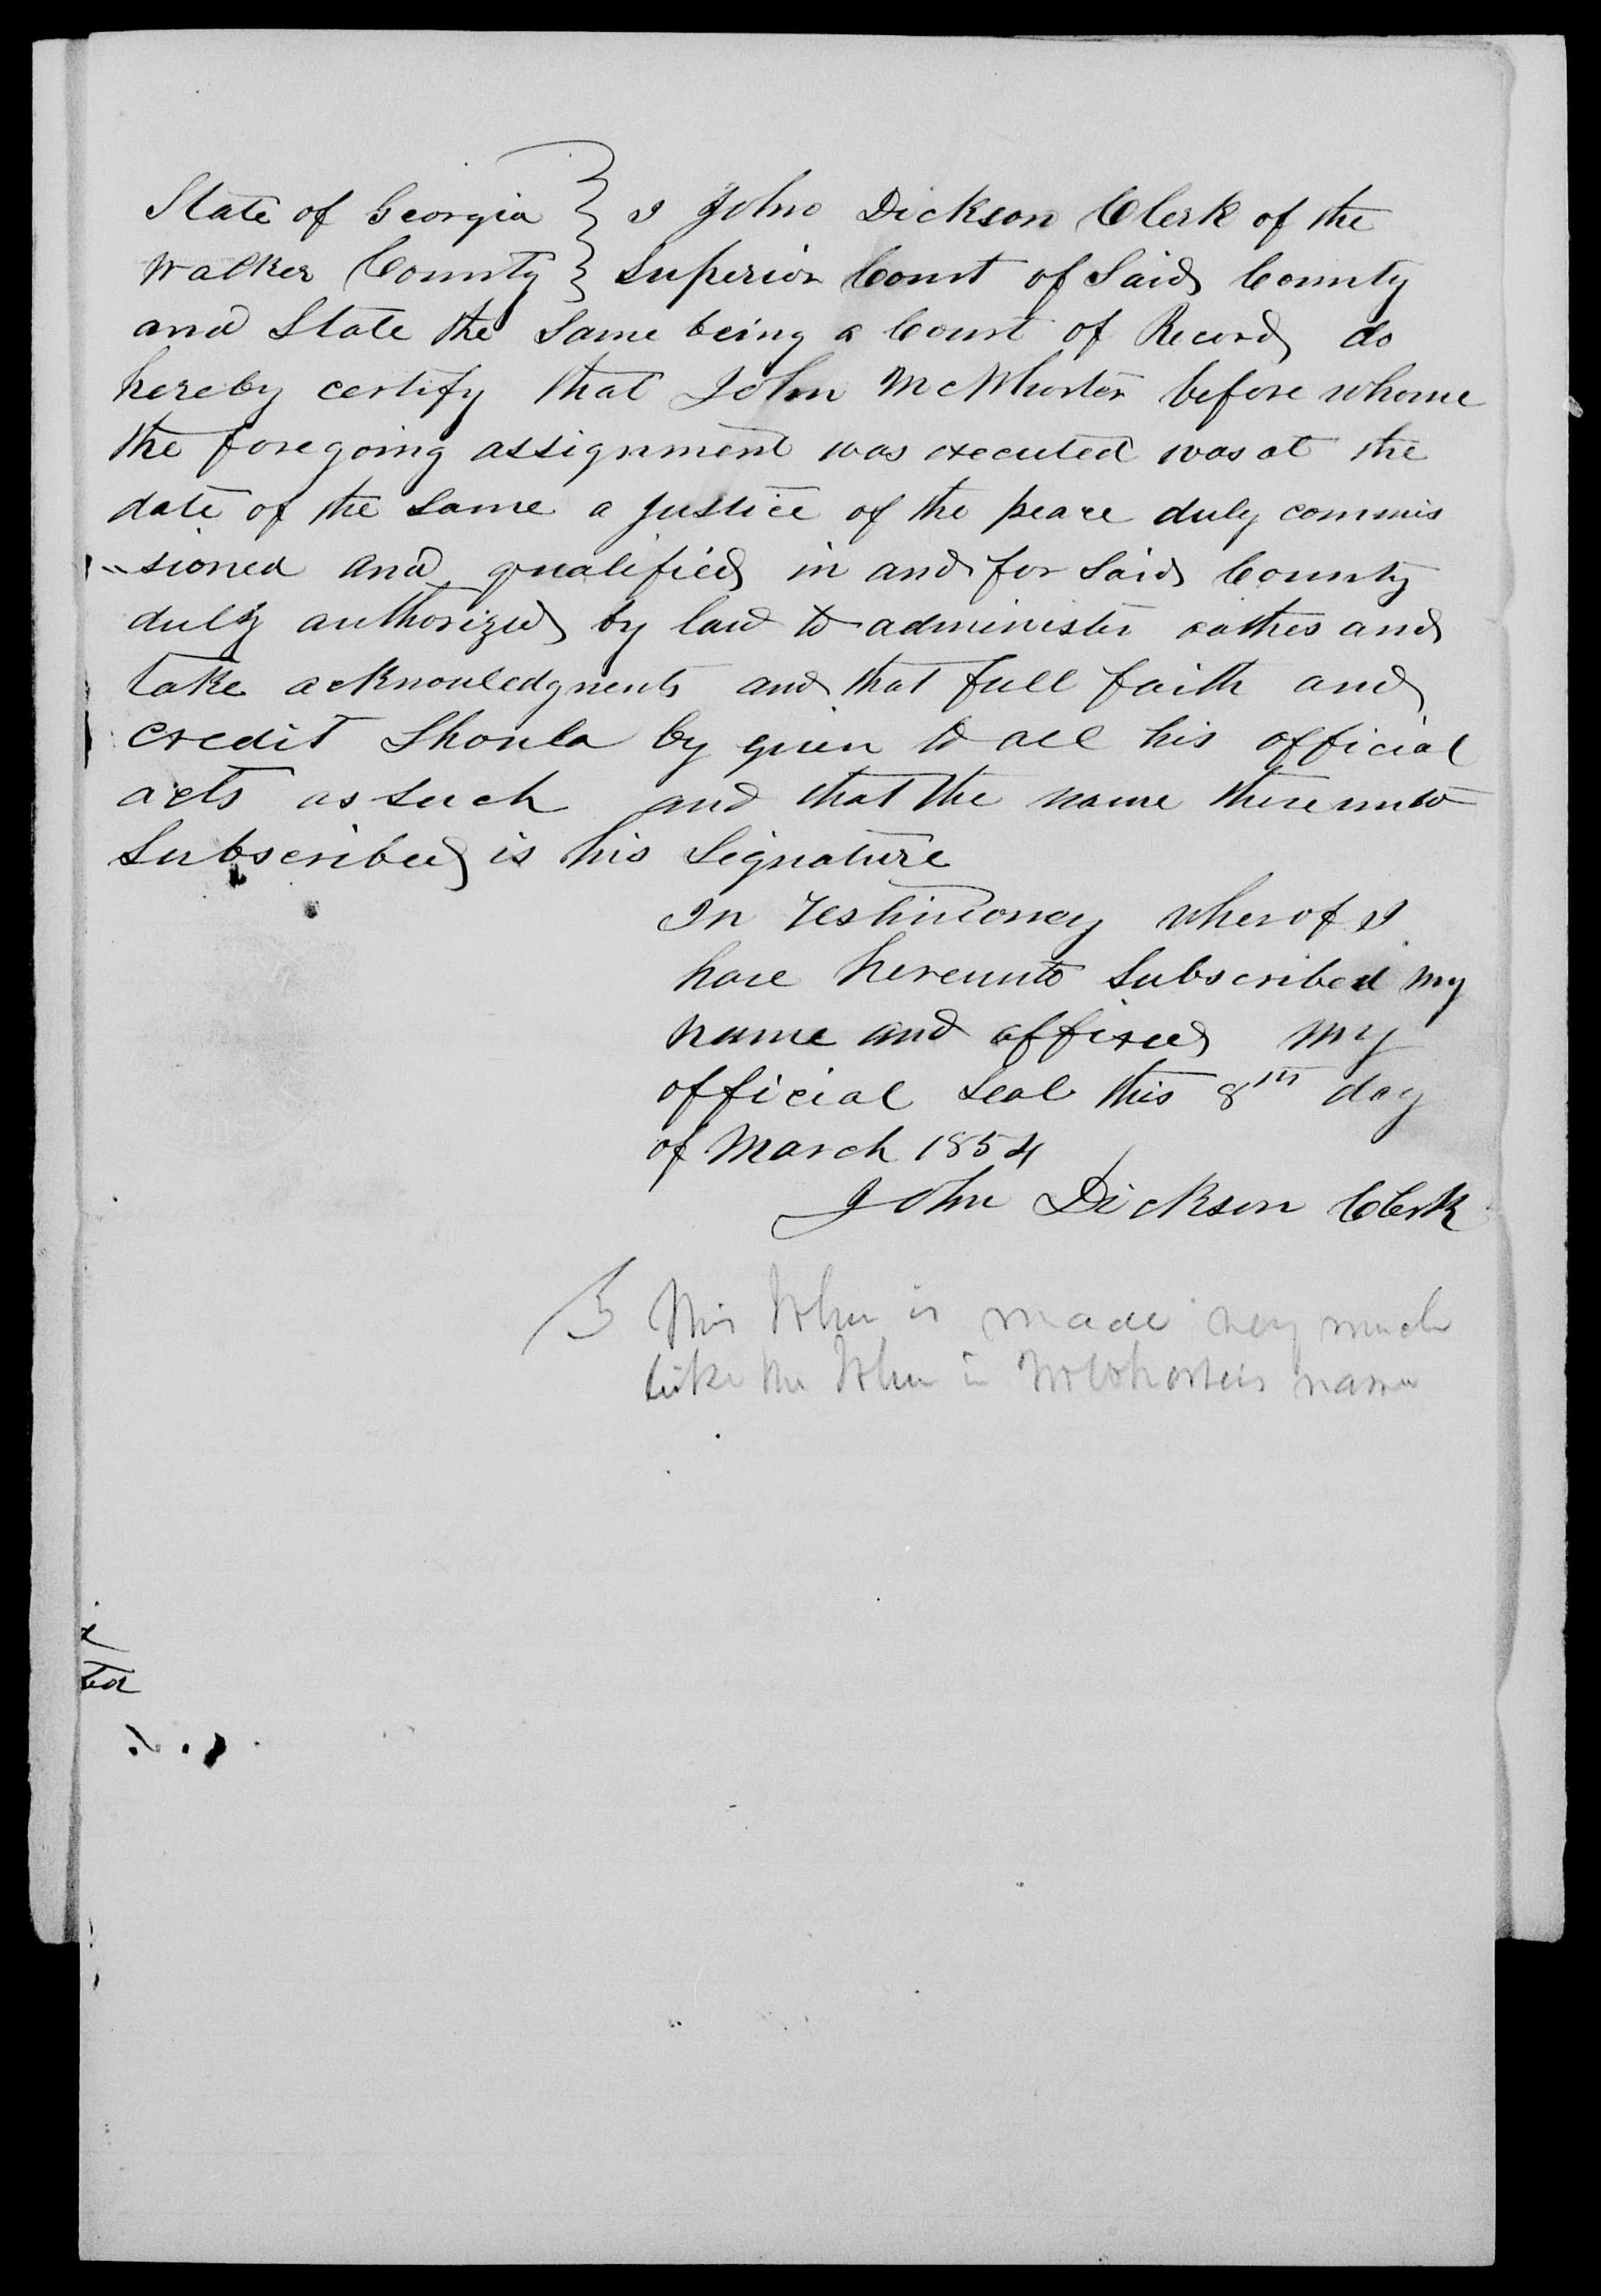State of Georgia
Walter County. (Vertical squiggle line)
I John Dickson Clerk of the Superior Court of Said county and State the same being a court of record do hereby certify that John McWhorter before whom the foregoing assignment was executed was at the date of the same a Justice of the Peace duly commissioned and qualified in and for said County duly authorized by law to administer lathes and take acknowledgements and that full faith and credit should by given to all his official acts as such and that the name there unto subscribed is his signature
In testimony whereof I have hereunto subscribed my name and affixed my official seal this 8th day of March 1854
John Dickson Clerk

Note made at bottom of page: Mr JMW is made very much like Mr. J M McWorter name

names: John Mc Whorter, John Dickson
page: 82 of 108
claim: rejected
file: R. 7,515, John Hudgins, N.C.